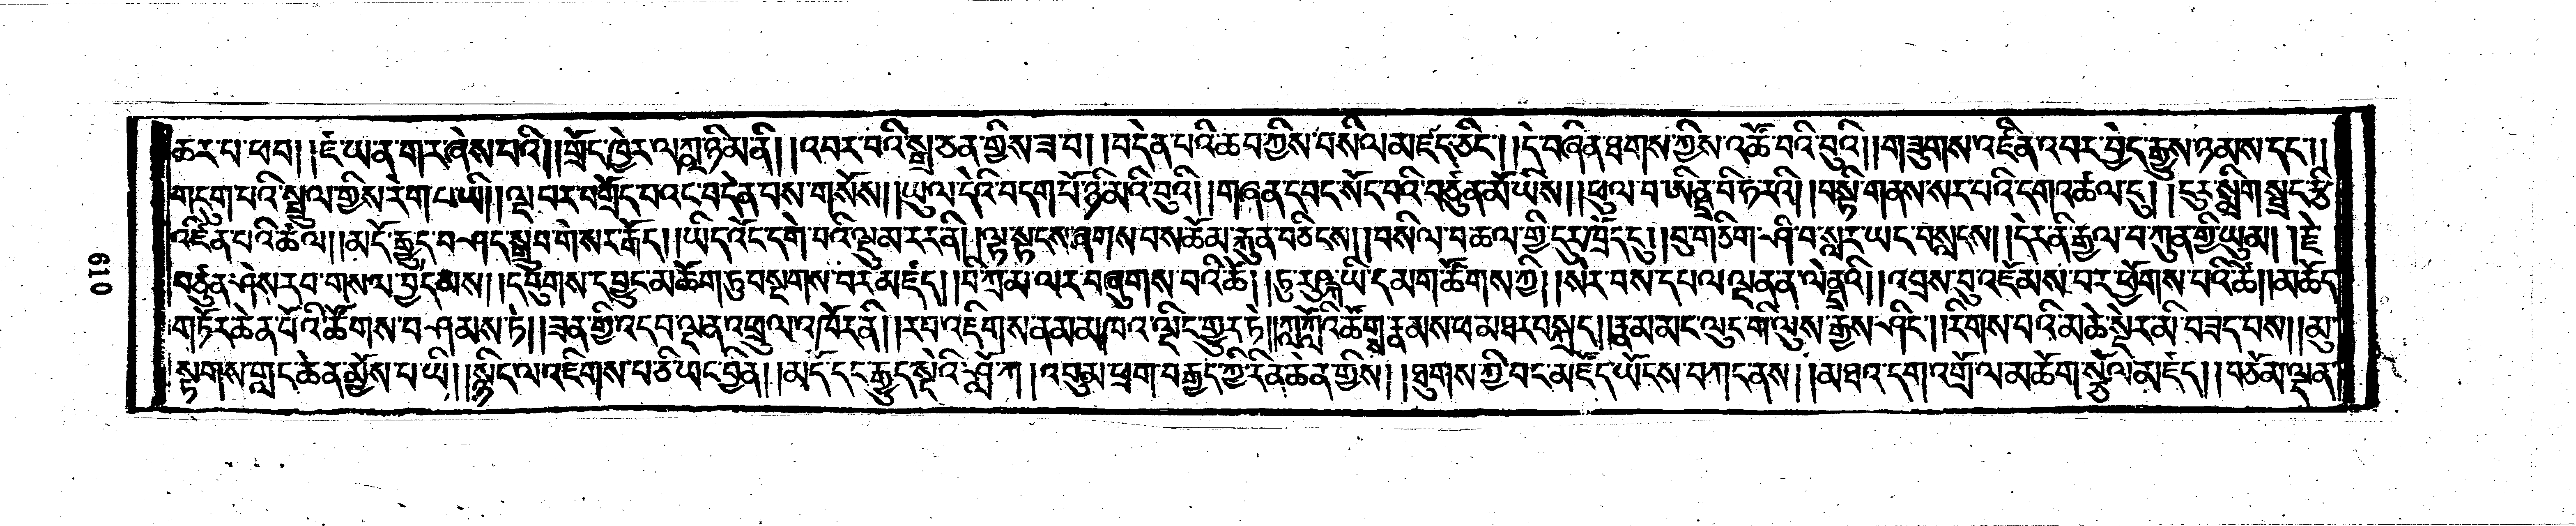ཆར་པ་ཕབ། །ཛ་ཡ་ན་ག་ར་ཞེས་པའི། །གྲོང་ཁྱེར་ལ་ཀྵ་ཉི་མ་ནི། །འབར་བའི་སྒྲ་ཅན་གྱིས་ཟ་བ། །བདེན་པའི་ཆབ་ཀྱིས་བསིལ་མཛད་ཅིང་། །དེ་བཞིན་ཐགས་ཀྱིས་འཚོ་བའི་བུའི། །གཟུགས་འཛིན་འབར་བྱེད་རྒྱས་ཉམས་དང་། །
གདུག་པའི་སྦྲུལ་གྱིས་རེག་པ་ཡི། །ལྔ་བར་བགྲོང་པའང་བདེན་པས་གསོས། །ཡུལ་དེའི་བདག་པོ་ཉི་མའི་བུའི། །གཞན་དབང་སོང་བའི་བཙུན་མོ་ཡིས། །ཕུལ་བ་ཨིནྡྲ་བི་ཧ་རའི། །བསྟི་གནས་སར་པའི་དགའ་ཚལ་དུ། །ངུར་སྨྲིག་སྦྲང་རྩི་
འཛིན་པའི་ཚལ། །མདོ་རྒྱུད་བཤད་སྒྲུབ་གེ་སར་རྒོད། །ཡིད་འོང་དགེ་བའི་ལྡུམ་རར་ནི། །ལྟ་ལྟངས་ཞགས་པས་ཆོམ་ཀུན་བཅིངས། །བསིལ་བ་ཚལ་གྱི་དུད་ཁྲོད་དུ། །བུ་གཅིག་ཤི་བ་སླར་ཡང་བསླངས། །དེར་ནི་རྒྱལ་བ་ཀུན་གྱི་ཡུམ། །རྗེ་
བཙུན་ཤེས་རབ་གསལ་བྱེད་མས། །དབུགས་དབྱུང་མཆོག་ཏུ་བསྔགས་པར་མཛད། །བཀྲི་མ་ལ་རི་བཞུགས་པའི་ཚེ། །ཏྲ་རཥྐ་ཡི་དམག་ཚོགས་ཀྱི། །སེར་བས་དཔལ་ལྡན་ན་ལནྡྲའི། །འབྲས་བུ་འཇོམས་པར་ཕྱོགས་པའི་ཚེ། །མཆོད་
གཏོར་མེན་པོའི་ཚོགས་བཤམས་ཏེ། །ཟན་གྱི་འདབ་ལྡན་འཕྲུལ་འཁོར་ནི། །རབ་འཇིགས་ནམ་མཁའི་ལྡིང་གྱུར་ཏེ། །ཀླ་ཀླའི་ཚོག་རྣམས་ཕ་མཐར་བསྐད། །རྣམ་མང་ལུང་གི་ལུས་རྒྱས་ཤིང་། །རིགས་པའི་མཆེ་སྡེར་མི་བཟང་པས། །མུ་
སྟེགས་གླང་ཆེན་མྱོས་པ་ཡི། །སྙིང་ལ་འཇིགས་པ་ཅི་ཡང་བྱིན། །མདོ་དང་རྒྱུད་སྡེའི་ཤློ་ཀ། །འབུམ་ཕྲག་བརྒྱད་ཀྱི་རིན་ཆེན་གྱིས། །ཐུགས་ཀྱི་བང་མཛོད་ཡོངས་བཀང་ནས། །མཐའ་དག་འགྲོ་ལ་མཆོག་སྩོལ་མཛད། །བཅོམ་ལྡན་